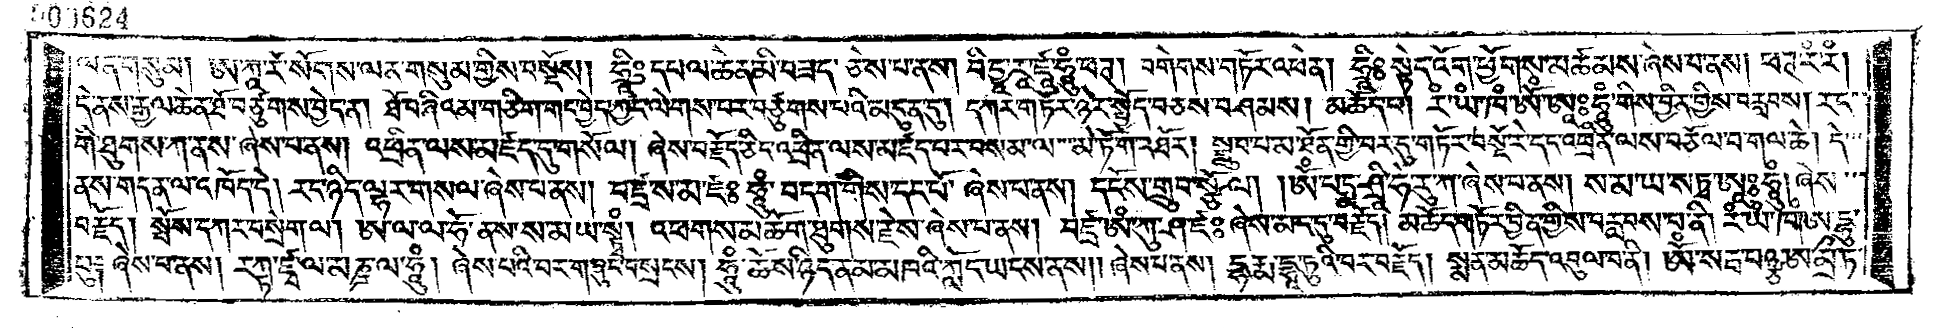ལན་གསུམ། ཨ་ཀཱ་རོ་སོགས་ལན་གསུམ་གྱིས་བསྔོས། ཧྲཱིཿ དཔལ་ཆེན་མི་བཟད་ཅེས་པ་ནས།  བིདྱཱ་རཱ་ཛཱ་ཧཱུཾ་ཕཊ། བགེགས་གཏོར་འཕེན། ཧྲཱིཿ སྟེང་འོག་ཕྱོགས་མཚམས་ཞེས་པ་ནས། ཕཊ་རཾ་རཾ།
དེ་ནས་རྒྱལ་ཆེན་ཐོ་བཙུགས་བྱེད་ན། ཐོ་བཞིའམ་གཅིག་གང་བྱེད་ཀྱང་ལེགས་པར་བཙུགས་པའི་མདུན་དུ། དཀར་གཏོར་ཉེར་སྤྱོད་བཅས་བཤམས། མཆོད་པ། རཾ་ཡཾ་ཁཾ་ཨོཾ་ཨཱཿ ཧཱུཾ་གིས་བྱིན་གྱིས་བརླབས། རང་
གི་ཐུགས་ཀ་ནས་ཞེས་པ་ནས། འཕྲིན་ལས་མཛད་དུ་གསོལ། ཞེས་བརྗོད་ཅིང་འཕྲིན་ལས་མཛད་པར་བསམ་ལ་མེ་ཏོག་འཐོར། སྒྲུབ་པ་མ་ཐོན་གྱི་བར་དུ་གཏོར་བསྔོ་རེ་དང་འཕྲིན་ལས་བཅོལ་བ་གལ་ཆེ། དེ་
ནས་གདན་ལ་འཁོད་དེ། རང་ཉིད་ལྷར་གསལ་ཞེས་པ་ནས། བཛྲ་ས་མ་ཛཿ ཧཱུཾ་བདག་གིས་དང་པོ་ཞེས་པ་ནས། དངོས་གྲུབ་སྩོལ། །ཨོཾ་པདམ་ཤྲཱི་ཧེ་རུ་ཀ་ཞེས་པ་ནས། ས་མ་ཡ་སཏྭ་ཨཱཿ ཧཱུཾ། ཞེས་
བརྗོད། སྤོས་དཀར་བསྲེག་ལ། ཨ་ལ་ལ་ཧོ་ནས་ས་མ་ཡ་སྟྭཾ། འཕགས་མཆོག་ཐུགས་རྗེས་ཞེས་པ་ནས། བཛྲ་ཨཾ་ཀུ་ཤ་ཛཿ ཞེས་མང་དུ་བརྗོད། མཆོད་གཏོར་བྱིན་གྱིས་བརླབས་པ་ནི། རཾ་ཡཾ་ཁཾ། ཨ་དྷུ་
པུ༑ ཞེས་པ་ནས། རཀྟ་ཛྭ་ལ་མཎྜ་ལ་ཧཱུཾ། ཞེས་པའི་བར་གཞུང་བསྲངས། ཧཱུཾ་ཆོས་ཉིད་ནམ་མཁའི་ཀློང་ཡངས་ནས། །ཞེས་པ་ནས། དྷརྨ་དྷཱ་ཏུའི་བར་བརྗོད། སྨན་མཆོད་འབུལ་བ་ནི། ཨོཾ་སརྦ་པཉྩ་ཨ་མྲྀ་ཏ་